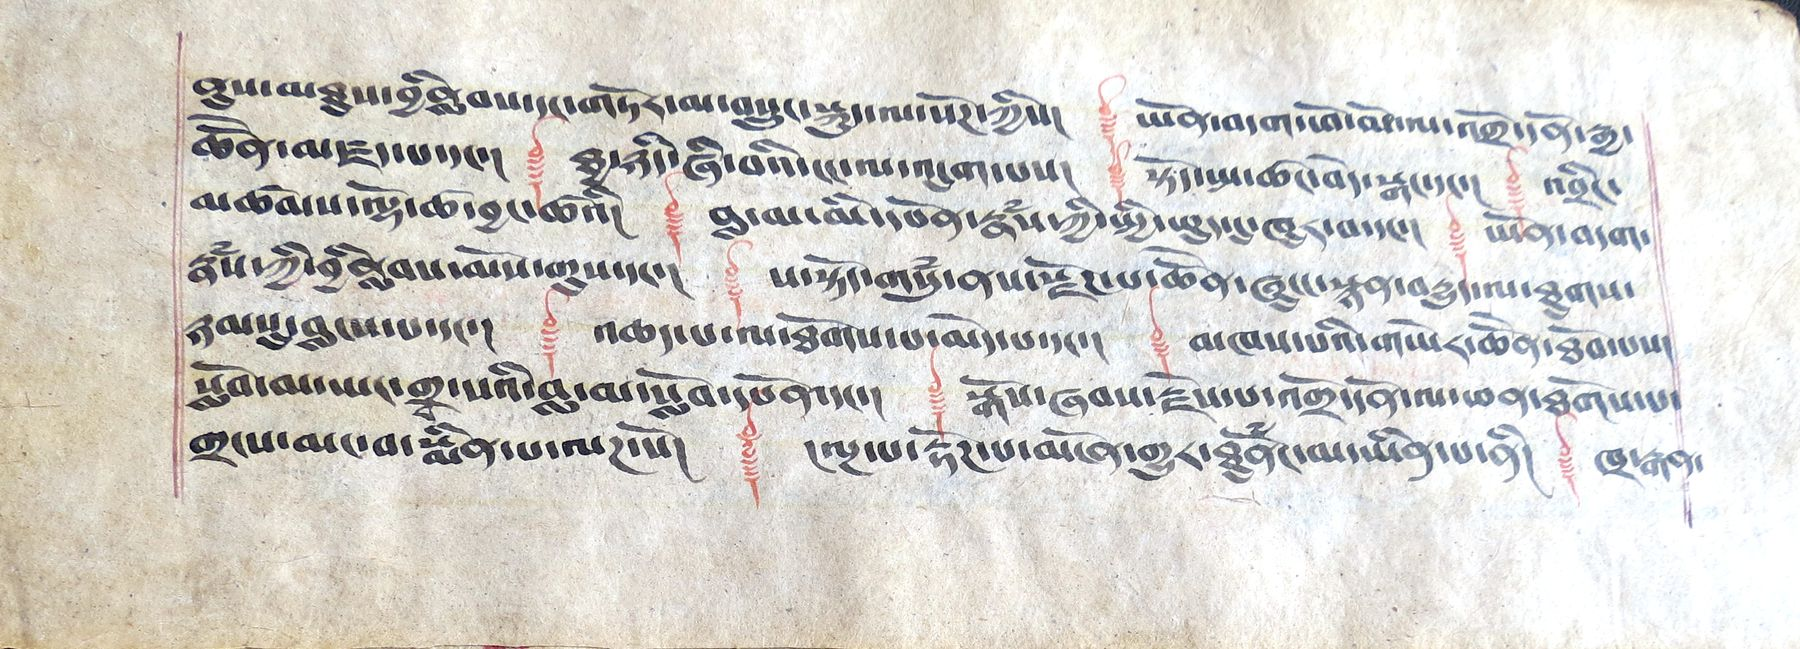ནུས་མཐུས་བྱིན་རླབས་དང་གཏོར་མ་སྲུང་སྐུད་ལ་སོགས་ཀྱིས། ཡོན་བདག་ཕོ་མོ་ལ་འགྲོ་དོན་རྒྱ་
ཆེན་མཛད་པ་དང་། ཐུགས་ཉིད་ཞི་བའི་ངང་ལ་འདུག་པས། སྟོད་སྤ་ཚང་བདེ་སྒང་དང་། འབྲིང་
འཚམས་ལྷོ་ཚ་བྱང་ཚའི། བླ་མ་མི་དཔོན་རྣམས་ཀྱི་སྤྱི་ཕུད་དུ་ཁུར་བ་དང་། ཡོན་བདག་
རྣམས་ཀྱི་བྱིན་རླབས་མོས་གུས་དང་། ས་སྟོད་གསུམ་ནས་རྫོགས་པ་ཆེན་པོ་ཞང་ཞུང་སྙན་རྒྱུད་ལ་ཐུགས་
ཉམས་སུ་བླངས་པ་དང་། འཆད་པ་ལ་ཐོགས་པ་མེད་པ་དང་། མཁས་པའི་གཡེར་ཆེན་པོ་ཐོབ་པས། 
སློབ་མ་ཡང་གྲྭ་སའི་བླ་མ་སློབ་དཔོན་དང་། སྒོས་ཞབས་རྗེས་པ་འགྲོ་དོན་ལ་ཕན་ཐོགས་པ་
གྲངས་མང་བ་སྨིན་པ་ལགས་སོ། ། ལྔ་པ་རྟོགས་པ་མངོན་གྱུར་ཐུན་མོང་མ་ཡིན་པ་ནི། ཁྲ་རྒན་